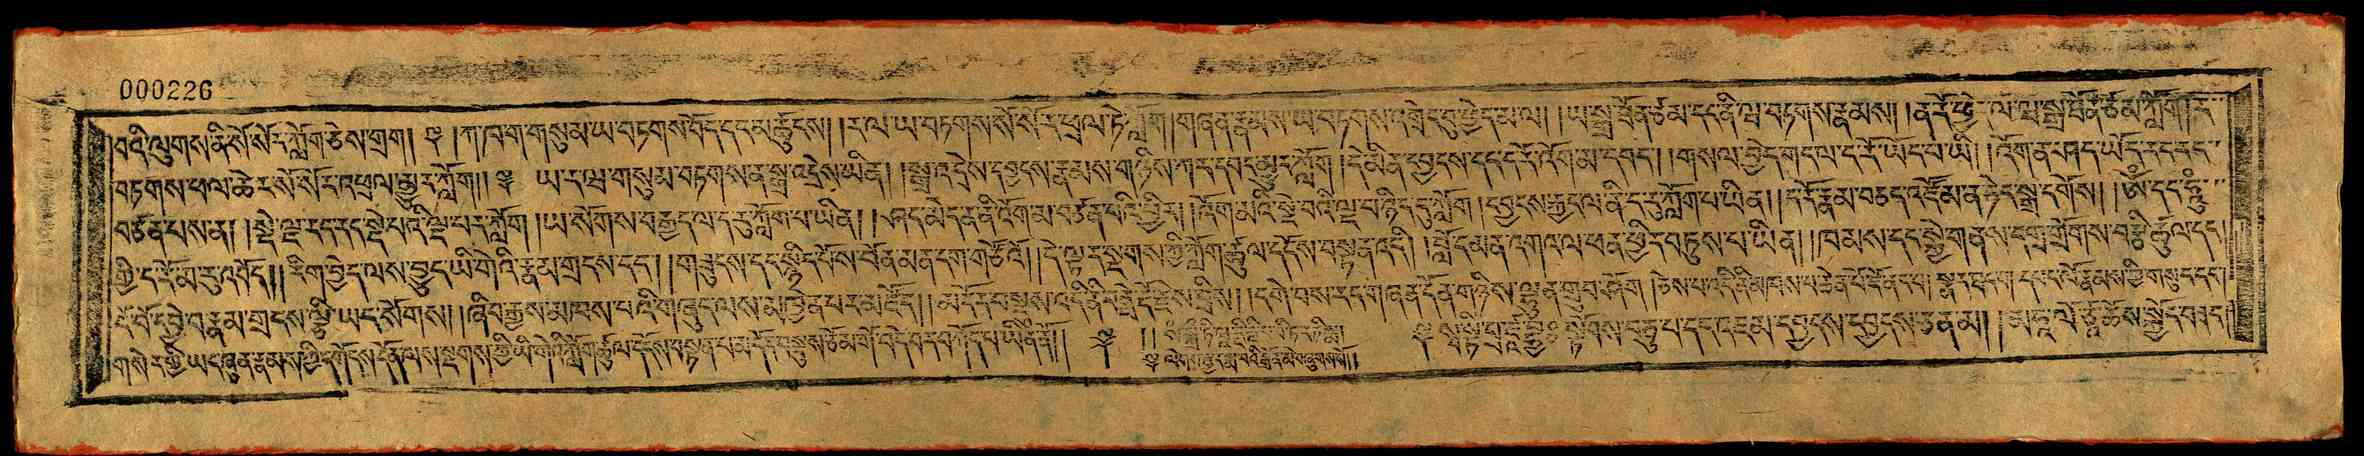པའི་ལུགས་ནི་སོ་སོར་ཀློག་ཅེས་གྲག། འ་།ཀ་ཁ་ག་གསུམ་ཡ་བཏགས་བོད་དང་མཚུངས། །ར་ལ་ཡང་བཏགས་སོ་སོར་ཕྲལ་ཏེ་ཀློག །གཞན་རྣམས་ཡ་བཏགས་འགྲེད་བུ་བྱེད་མ་ལ། །ཡ་སྒྲ་ཐོན་ཙམ་དང་ནི་ལྦ་བཏབས་རྣམས། །ན་རོ་ཕྱེད་ལ་ལྦ་སྒྲ་ཐོན་ཙམ་ཀློག །ར་
བཏགས་ཕལ་ཆེར་སོ་སོར་འཕྲལ་མྱུར་ཀློག།། འ་ཡ་ར་ལྦ་གསུམ་བཏགས་ན་སྒྲ་འདྲེས་ཡིན། །སྒྲ་འདྲེས་དབྱངས་རྣམས་གཉིས་ཀར་དབང་མྱུར་ཀློག། །དེ་མིན་དབྱངས་དང་ང་རོ་འོག་མ་དབང་། །གསལ་བྱེད་གང་ལ་ང་རོ་ཡོད་པ་ཡི། །འོག་ན་ཤད་ཡོད་རང་རང་
བཙན་པས་ན། །སྡེ་ལྔ་རང་རང་སྡེ་པའི་ལྔ་པར་ཀློག །ཡ་སོགས་བརྒྱད་ལ་ང་རུ་ཀླེག་པ་ཡིན།། ཤད་མེད་ནི་འོག་མ་བཙན་པའི་ཕྱིར། །འོག་མའི་སྤྱི་བོའི་ལྔ་པ་ཉིད་དུ་ཀློག། །དབྱངས་རྐྱང་ལ་ནི་ང་རུ་ཀློག་པ་ཡིན། །ང་རོ་རྣམ་བཅད་འཛོམ་ན་ཧེར་སྒྲ་དགོས། །ཨོ་དང་ཧཱུཾ་
གྱི་ང་རོ་མ་རུ་འབོད། །རིག་བྱེད་ལས་བྱུང་ཡི་གེའི་རྣམ་གྲངས་དང་། །གཟུངས་དང་སྙིང་པོས་བོན་མནང་གཙོའོ། །དེ་ལྟར་སྔས་ཀྱི་ཀློག་ཚུལ་དངོས་བསྟན་འདི། །བློ་དམན་འགའ་ལ་ཕན་ཕྱིར་བཏུས་པ་ཡིན། །ཁམས་དང་སྐྱེ་གནས་དགྲ་གྲོགས་བཙི་ཚུལ་དང་
ངོ་བོ་དབྱེ་བ་རྣམ་གྲངས་ལྕི་ཡང་སོགས། །ཞིབ་རྒྱས་མཁས་པའི་གཞུང་ལས་མཁྱེན་པར་མཛོད། །མདོར་བསྡུས་འདི་ནི་བནྡེ་རྡོ་རྗེས་བྲིས། །དགེ་བས་རང་གཞན་དོན་གཉིས་ལྷུན་གྲུབ་ཤོག །ཅེས་པ་འདིའི་ནི་མཁས་པ་ནི་ཆེན་པོ་ཇོ་ནང་པ། སྣང་ཐང་པ། དཔང་ལོ་རྣམས་ཀྱི་གསུང་དང་
གསེར་གྱི་ཡང་ཞུན་རྣམས་ཀྱི་དགོངས་དོན་ལས་སྔགས་ཀྱི་ཡི་གེའི་ཀློག་ཚུལ་དངོས་བསྟན་པ་མདོར་བསྡུས་ཙམ་གོ་བདེ་བར་བཀོད་པ་ཡིན་ནོ།། འ་།།སཾ་སྐྲྀ་ཏྀ་ཝཱ་དE་རཱི་པ་པཾ་ཧར་ཧི་སྨ། ལེགས་སྦྱར་སྨྲ་བའི་སྒྲོན་མེ་བཞུགས་སོ།། འ་སྭ་སྟི་པྲ་ཛཾ་བྷྱཿ སྟོབས་བཅུ་པ་དང་འཛམ་དབྱངས་དབྱངས་ཅན་མ། །མྷའ་ལོ་ཙཱ་ཆོས་སྐྱོང་བཟང་།